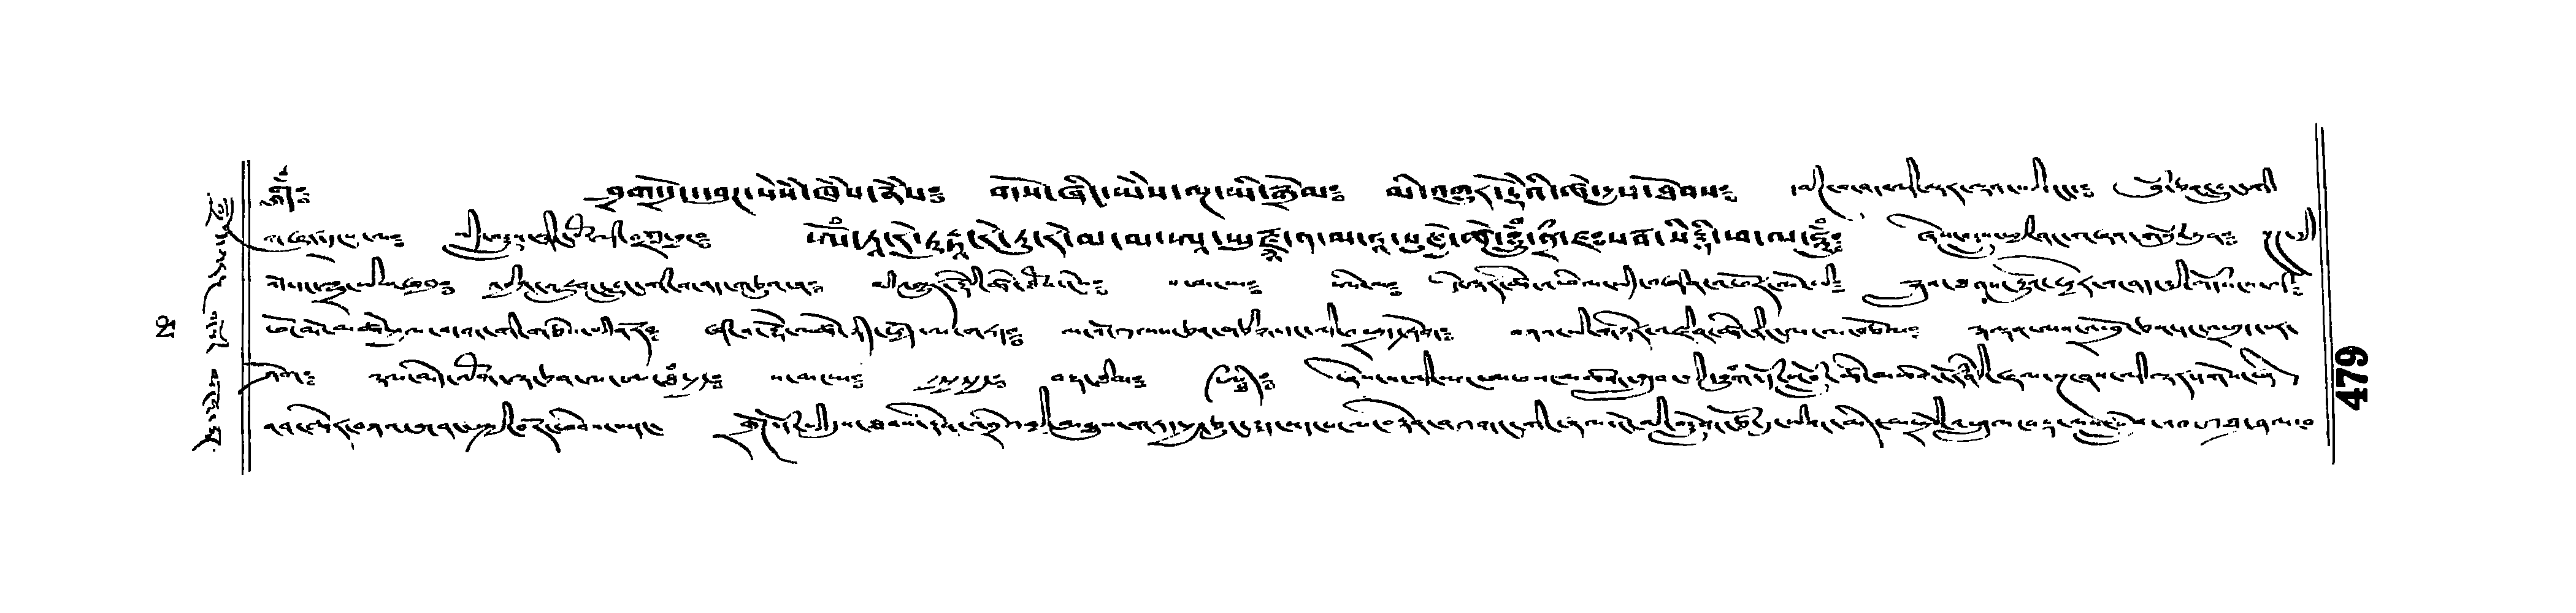ཤ་ཁྲག་དྲོད་དབུགས་སེམས་ཁམས་རྣམས༔ གསོ་ཞིང་ཡེ་ཤེས་ལྔ་ཡི་སྒྲོམ༔ མི་འགྱུར་རྡོ་རྗེའི་ཚེ་རྒྱས་ཐོབས༔ དམིགས་གནད་འདི་ལྟར་ལྡན་པའི་ངང༔ བུམ་ཅན་རླུང་གི་
གཞུར་དྲངས་ལ༔ ཡིད་བཟླས་སྙིང་པོ་འདི་བརྗོད་བྱ༔ ཨོཾ་ཏཱ་རེ་ཏུཏྟཱ་རེ་ཏུ་རེ་མ་མ་ཨཱ་ཡུརྫྙཱ་ན་མ་ཧཱ་པུཎྱེ་ཚེ་བྷྲཱུྃ་ནྲྀ་ཛཿསརྦ་སིདྡྷི་ཕ་ལ་ཧཱུྃ༔ ཞེས་བཟླས་ཕྱི་ནང་གཞན་གསུམ་ཀུན༔ སྔགས་ཀྱི་
འོད་དང་སྒྲ་ཡིས་ཁྱབ༔ འབྱིན་འཇུག་རླུང་གི་གནད་གཅུན་ན༔ མི་འགྱུར་རྡོ་རྗེའི་ཚེ་ཐོབ་ངེས༔ ས་མ་ཡ༔ ཨེ་མ༔ དེ་ལྟར་ཚེ་འཕེལ་ཡིད་བཞིན་འཁོར་ལོ་ཡི༔ སྒྲུབ་ཐབས་རྒྱུན་ཁྱེར་གནད་ཀྱི་གདམས་པ་འདི༔ 
ཕོ་མོ་མཚོ་རྒྱལ་བདག་གི་གཅེས་བའི་ནོར༔ ཞི་བ་རྡོ་རྗེ་མཚོ་ཉིད་ཁྱོད་ལ་གཏད༔ མ་འོངས་ལས་ཅན་གཅིག་དང་འདི་འཕྲད་ཤོག༔བཀའ་ཡི་གཉེར་འཛིན་ཚེ་རིང་མ་ལ་བཅོལ༔ སྐལ་ལྡན་ལས་འཕྲོ་ཅན་དང་འཕྲད་པར་
ཤོག༔ སྐལ་མེད་ལོག་ལྟ་ཅན་ལ་ཨ་ཐཾ་རྒྱ༔ ས་མ་ཡ༔ རྒྱ་རྒྱ་རྒྱ༔ བརྡ་ཐིམ༔ ༔ ཞེས་པ་འདི་ཡང་མཁས་མཆོག་གྲུབ་པའི་དབང་ཕྱུག་དམ་པ་བླ་མ་ཚེ་མཆོག་རིན་པོ་ཆེའི་ཞལ་སྔ་ནས་འདི་ལྟར་དགོས་ཞེས་
ནན་ཆེར་བཀའ་གནང་སྤྱི་བོར་ཕེབས་པ་དང༔ གྲོགས་དམ་པའི་དུས་ཐབས་རྟེན་འབྲེལ་གྱི་མཐུས་གཏད་རྒྱ་ཅུང་ཟད་སད་པ་ལ་བརྟེན་ནས་གང་གི་ཞལ་ངོ་མ་བཟློག་ཙམ་དུ་ཡིག་མེད་མཁའ་འགྲོའི་འཕྲུལ་བརྡ་ལས་སློབ་འབངས་ཐ་ཤལ་བ་